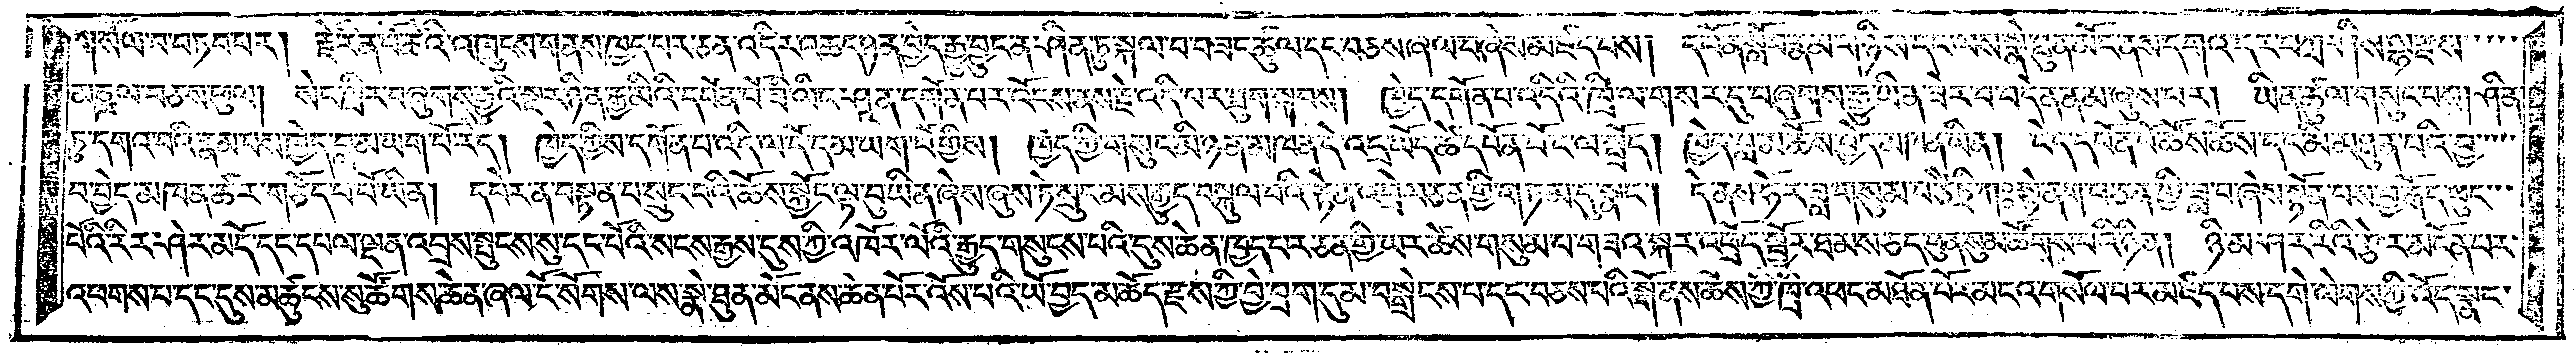གསོལ་བ་བཏབ་བར། རྗེ་རིན་པོ་ཆེའི་འཁྲུངས་གནས་ཁྱད་པར་ཅན་འདིར་འཆད་ཉན་བྱེད་རྒྱུ་བྱུང་ན་ཤིན་ཏུ་སྐལ་བ་བཟང་ཚུལ་དང་བཅས་ཞལ་བཞེས་མཛད་པས། དཔོན་སློབ་རྣམ་གཉིས་དང་ལས་སྣེ་ཐུན་མོང་ནས་དགའ་དར་བཀྲ་ཤིས་ལྷ་རྫས་
མཎྜལ་བཅས་ཕུལ། སེར་ཁྲིར་བཞུགས་རྒྱུའི་སྔར་ཉིན་རྒྱ་མིའི་དཔོན་པོ་ཟི་ལིང་ཤཱན་དགོན་པར་འོངས་ནས་རྗེ་འདི་པར་ཐུག་སྐབས། ཁྱེད་དགོན་པ་འདིའི་ཁྲི་ལ་གསར་དུ་བཞུགས་རྒྱུ་ཡིན་ཟེར་བ་བདེན་ནམ་ཞུས་པར། ཡིན་ཚུལ་གསུང་པས། ཤིན་
ཏུ་དགའ་བའི་རྣམ་པས་ཁྱེད་བླ་མ་ཡག་པོ་རེད། ཁྱེད་ཀྱིས་དགོན་པ་འདི་ལ་དོ་དམ་ཡག་པོ་གྱིས། ཁྱོད་ཀྱི་གསུང་མི་ཉན་མཁན་དེ་འདྲ་ཡོད་ཚེ་དཔོན་པོ་ང་ལ་སྤྲོད། ཁྱེད་བླ་མ་ཆོས་བྱེད་མཁན་ཡིན། དེད་དཔོན་པོ་ཚོས་ཆོས་དང་མི་མཐུན་པའི་བྱ་
བ་བྱེད་མཁན་ཚར་གཅོད་པ་པོ་ཡིན། དཔེར་ན་བསྟན་པ་སྲུང་བའི་ཆོས་སྐྱོང་ལྟ་བུ་ཡིན་ཞེས་ཞུས་ཏེ་སྲུང་མས་རྒྱུད་བསྐུལ་བའི་རྟེན་འབྲེལ་ཅན་གྱི་གཏམ་དུ་སྣང་། དེ་ནས་ཧོར་ཟླ་གསུམ་བཙཻཏྲི་ཀཿསྟེ་ནག་པ་ཅན་གྱི་ཟླ་བ་ཞེས་སྟོན་པས་བྱ་རྒོད་ཕུང་
པོའི་རིར་ཤེར་མདོ་དང་དཔལ་ལྡན་འབྲས་སྤུངས་སུ་དང་པོའི་སངས་རྒྱས་དུས་ཀྱི་འཁོར་ལོའི་རྒྱུད་གསུངས་པའི་དུས་ཆེན་ཁྱད་པར་ཅན་གྱི་ཡར་ཚེས་གསུམ་པ་གཟའ་སྐར་འཕྲོད་སྦྱོར་ཐམས་ཅད་ཕུན་སུམ་ཚོགས་པའི་ཉིན། ཉི་མ་ཤར་རིའི་རྩེར་མངོན་པར་
འཕགས་པ་དང་དུས་མཚུངས་སུ་ཚོགས་ཆེན་ཞལ་ངོ་སོགས་ལས་སྣེ་ཐུན་མོང་ནས་ཆེན་པོར་འོས་པའི་ཡོ་བྱད་མཆོད་རྫས་ཀྱི་བྱེ་བྲག་དུ་མ་བསྒྲེངས་པ་དང་བཅས་པའི་སྒོ་ནས་ཆོས་ཀྱི་ཁྲི་འཕང་མཐོན་པོར་མངའ་གསོལ་བར་མཛད་པས་དགེ་ལེགས་ཀྱི་འོད་སྣང་